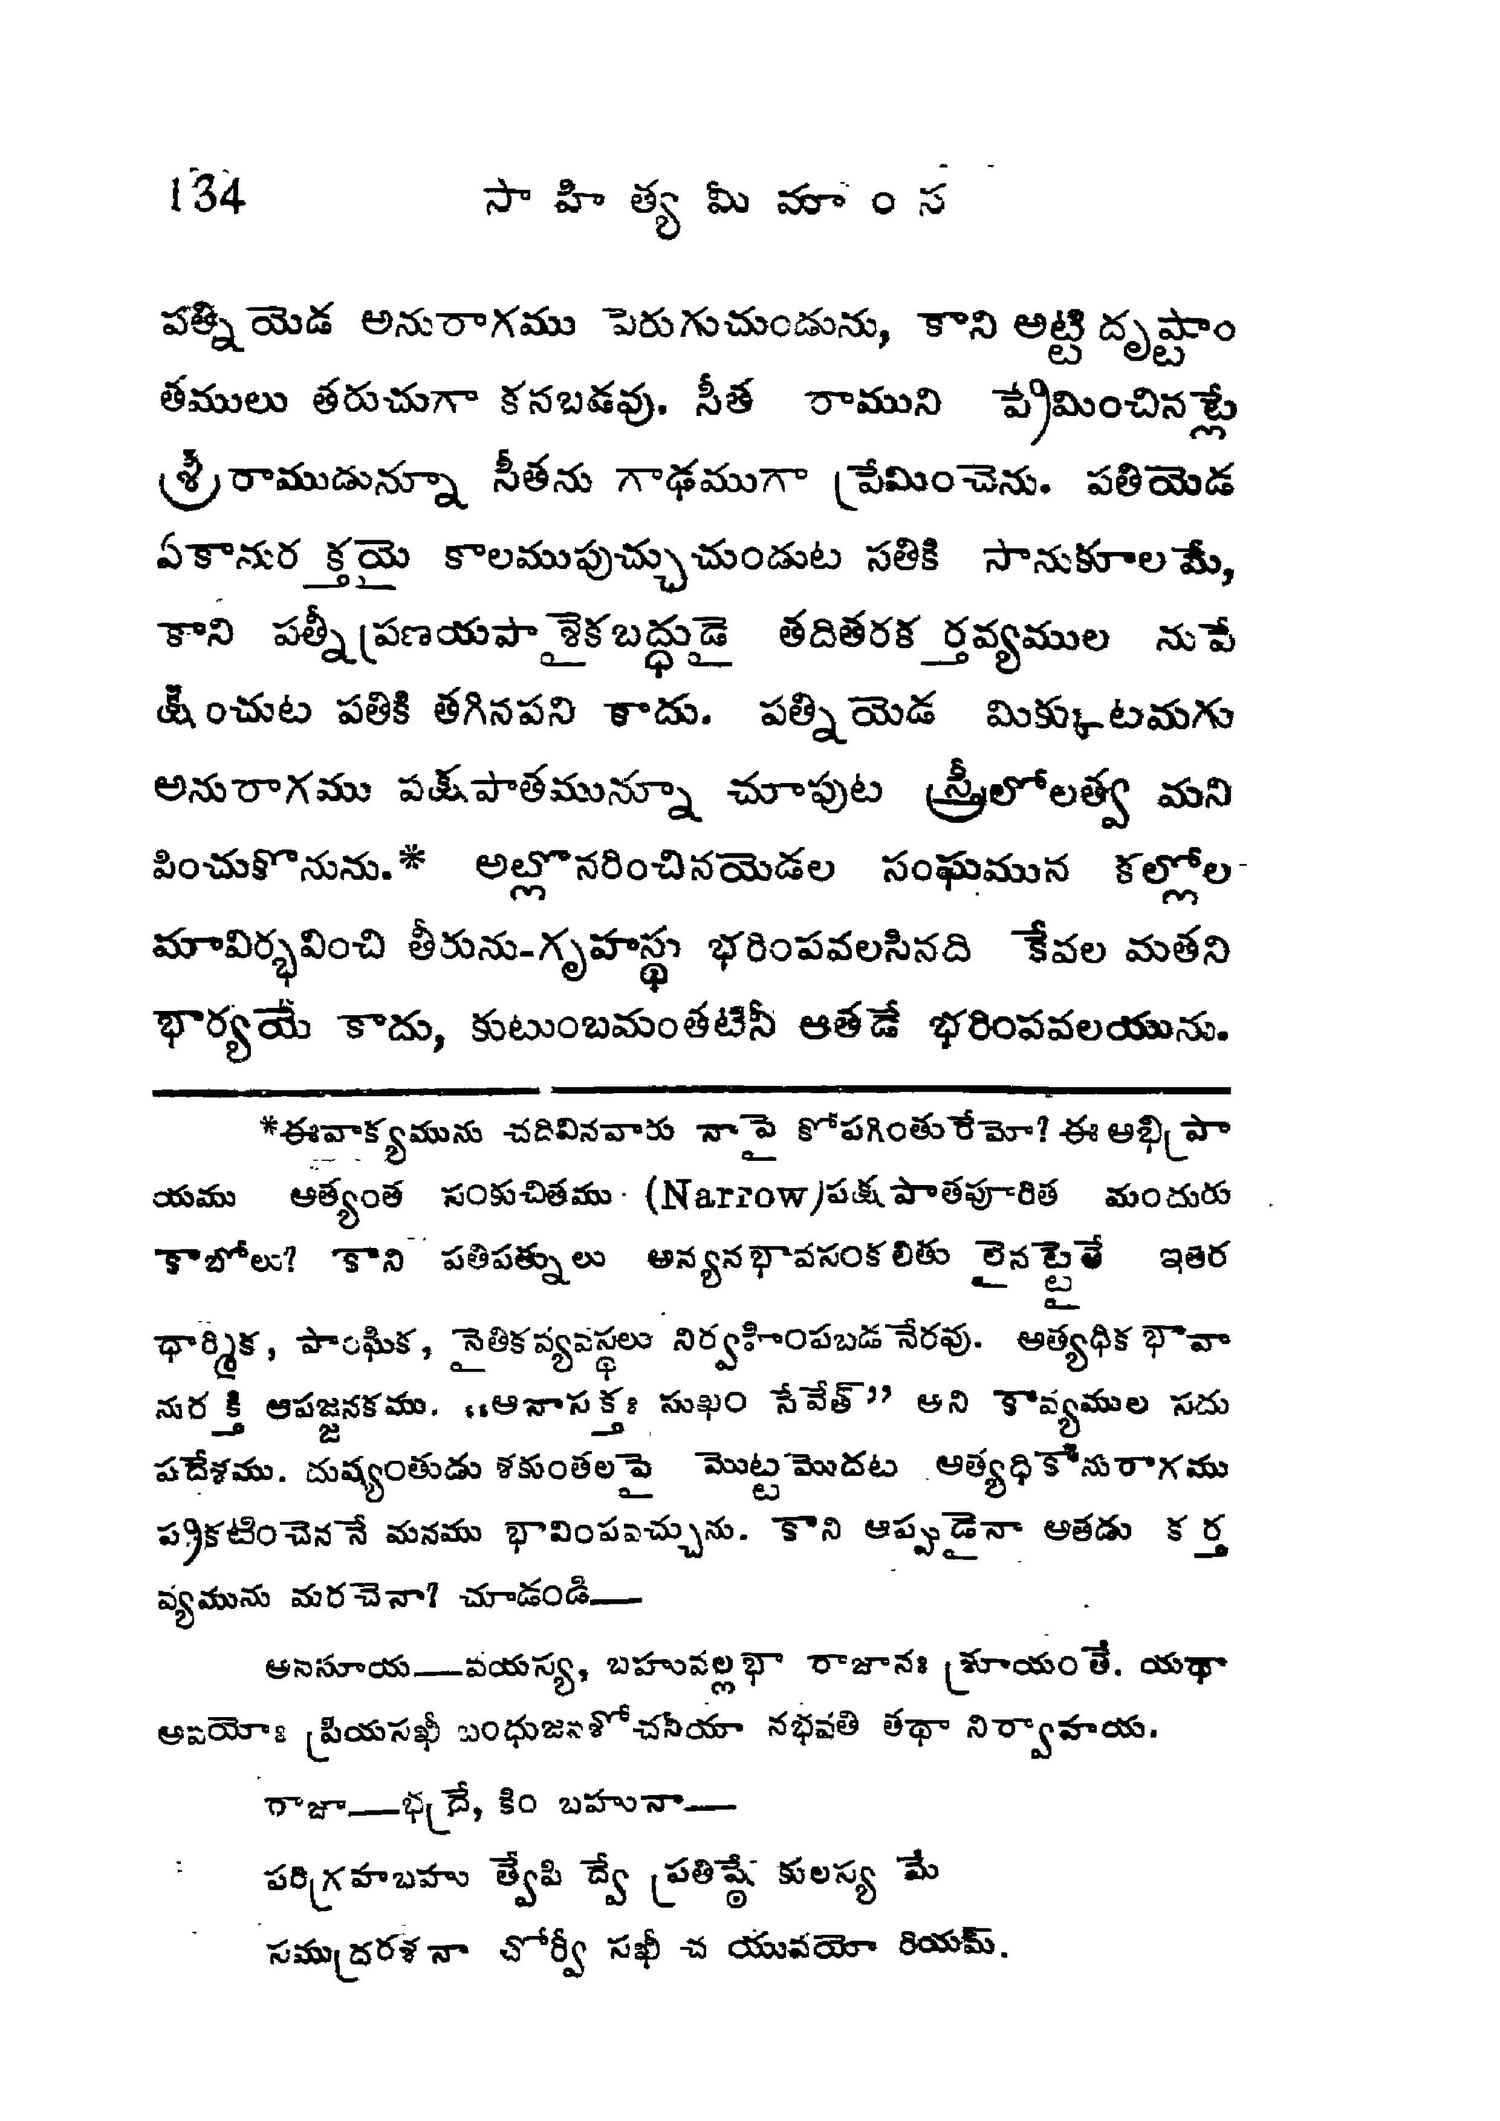పత్నియెడ అనురాగము పెరుగుచుండును, కాని అట్టి దృష్టాంతములు తరచుగా కనబడవు. సీత రాముని ప్రేమించినట్లే శ్రీరాముడున్నూ సీతను గాఢముగా ప్రేమించెను. పతియెడ ఏకానురక్తయై కాలముపుచ్చుచుండుట సతికి సానుకూలమే, కాని పత్నీప్రణయపాశైకబద్ధుడై తదితరకర్తవ్యముల నుపేక్షించుట పతికి తగినపని కాదు. పత్నియెడ మిక్కుటమగు అనురాగము పక్షపాతమున్నూ చూపుట స్త్రీలోలత్వ మనిపించుకొనును.* అట్లొనరించినయెడల సంఘమున కల్లోలమావిర్భవించి తీరును. గృహస్థు భరింపవలసినది కేవలమతని భార్యయే కాదు, కుటుంబమంతటినీ అతడే భరింపవలయును.